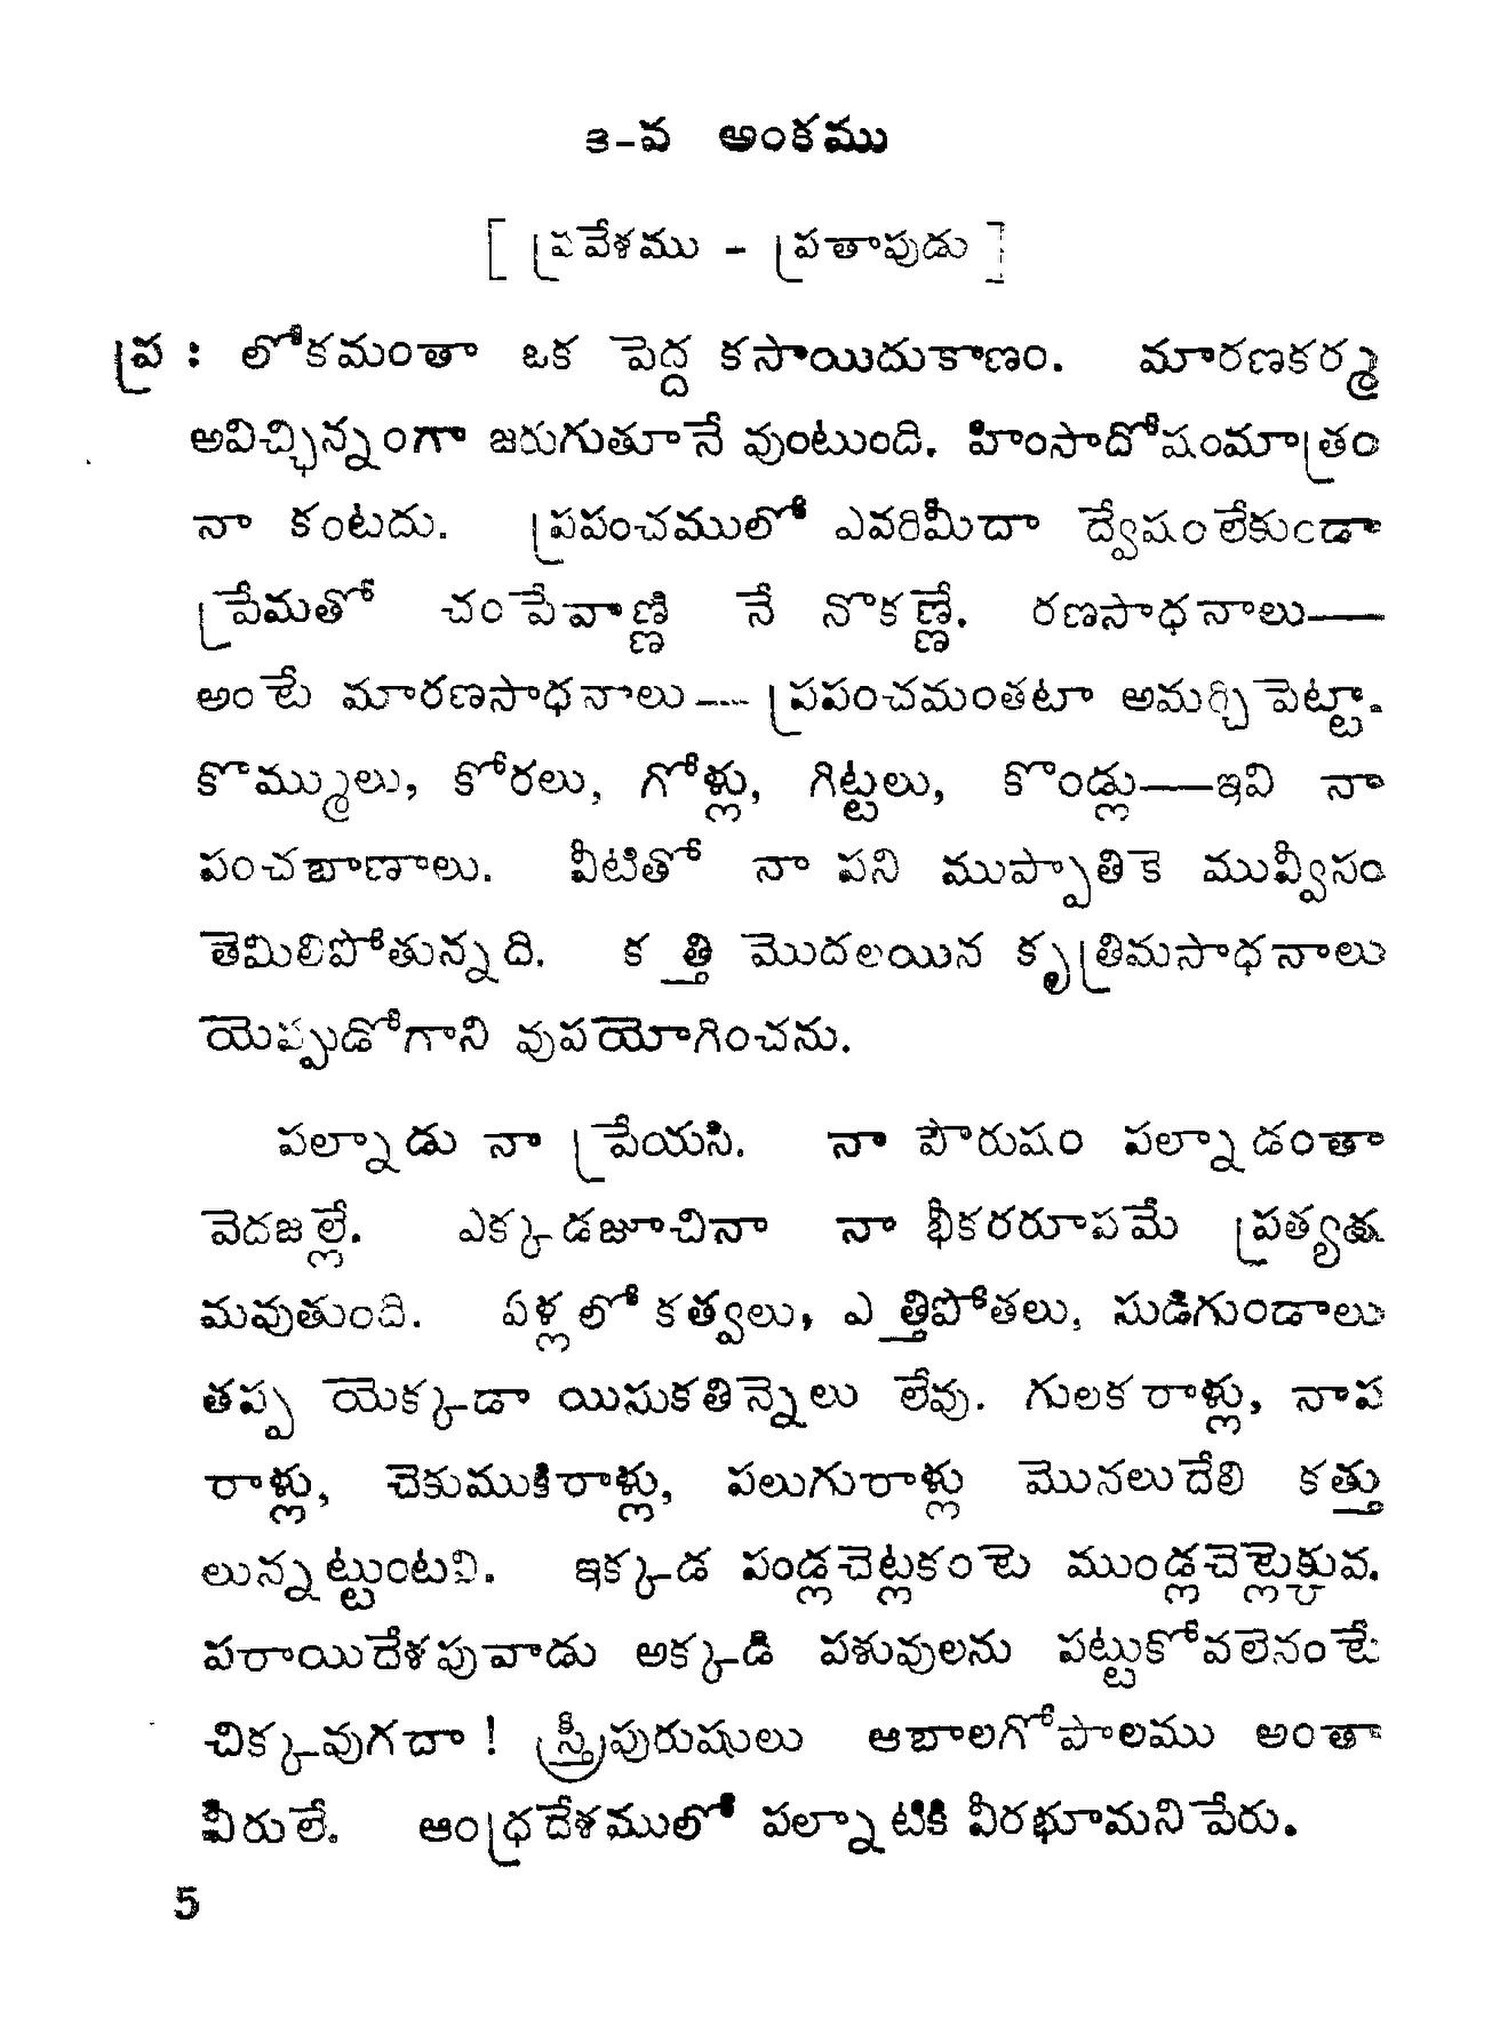ప్ర : లోకమంతా ఒక పెద్ద కసాయిదుకాణం. మారణకర్మ అవిచ్ఛిన్నంగా జరుగుతూనే వుంటుంది. హింసాదోషంమాత్రం నా కంటదు. ప్రపంచములో ఎవరిమీదా ద్వేషంలేకుఁడా ప్రేమతో చంపేవాణ్ణి నే నొకణ్ణే. రణసాధనాలు - అంటే మారణసాధనాలు -- ప్రపంచమంతటా అమర్చిపెట్టా. కొమ్ములు, కోరలు, గోళ్లు, గిట్టలు, కొండ్లు — ఇవి నా పంచబాణాలు. వీటితో నా పని ముప్పాతికె మువ్వీసం
తెమిలిపోతున్నది. కత్తి మొదలయిన కృత్రిమసాధనాలు యెప్పుడోగాని వుపయోగించను.

పల్నాడు నా ప్రేయసి. నా పౌరుషం పల్నాడంతా వెదజల్లే. ఎక్కడజూచినా నా భీకరరూపమే ప్రత్యక్ష
మవుతుంది. ఏళ్ల లో కత్వలు, ఎత్తిపోతలు, సుడిగుండాలు తప్ప యెక్కడా యిసుకతిన్నెలు లేవు. గులకరాళ్లు, నాపరాళ్లు, చెకుముకిరాళ్లు, పలుగురాళ్లు మొనలుదేలి కత్తులున్నట్టుంటవి. ఇక్కడ పండ్లచెట్లకంటె ముండ్లచెట్లెక్కువ. పరాయిదేశపువాడు అక్కడి పశువులను పట్టుకోవలెనంటే
చిక్కవుగదా ! స్త్రీపురుషులు ఆబాలగోపాలము అంతా వీరులే. ఆంధ్రదేశములో పల్నాటికి వీరభూమని పేరు.